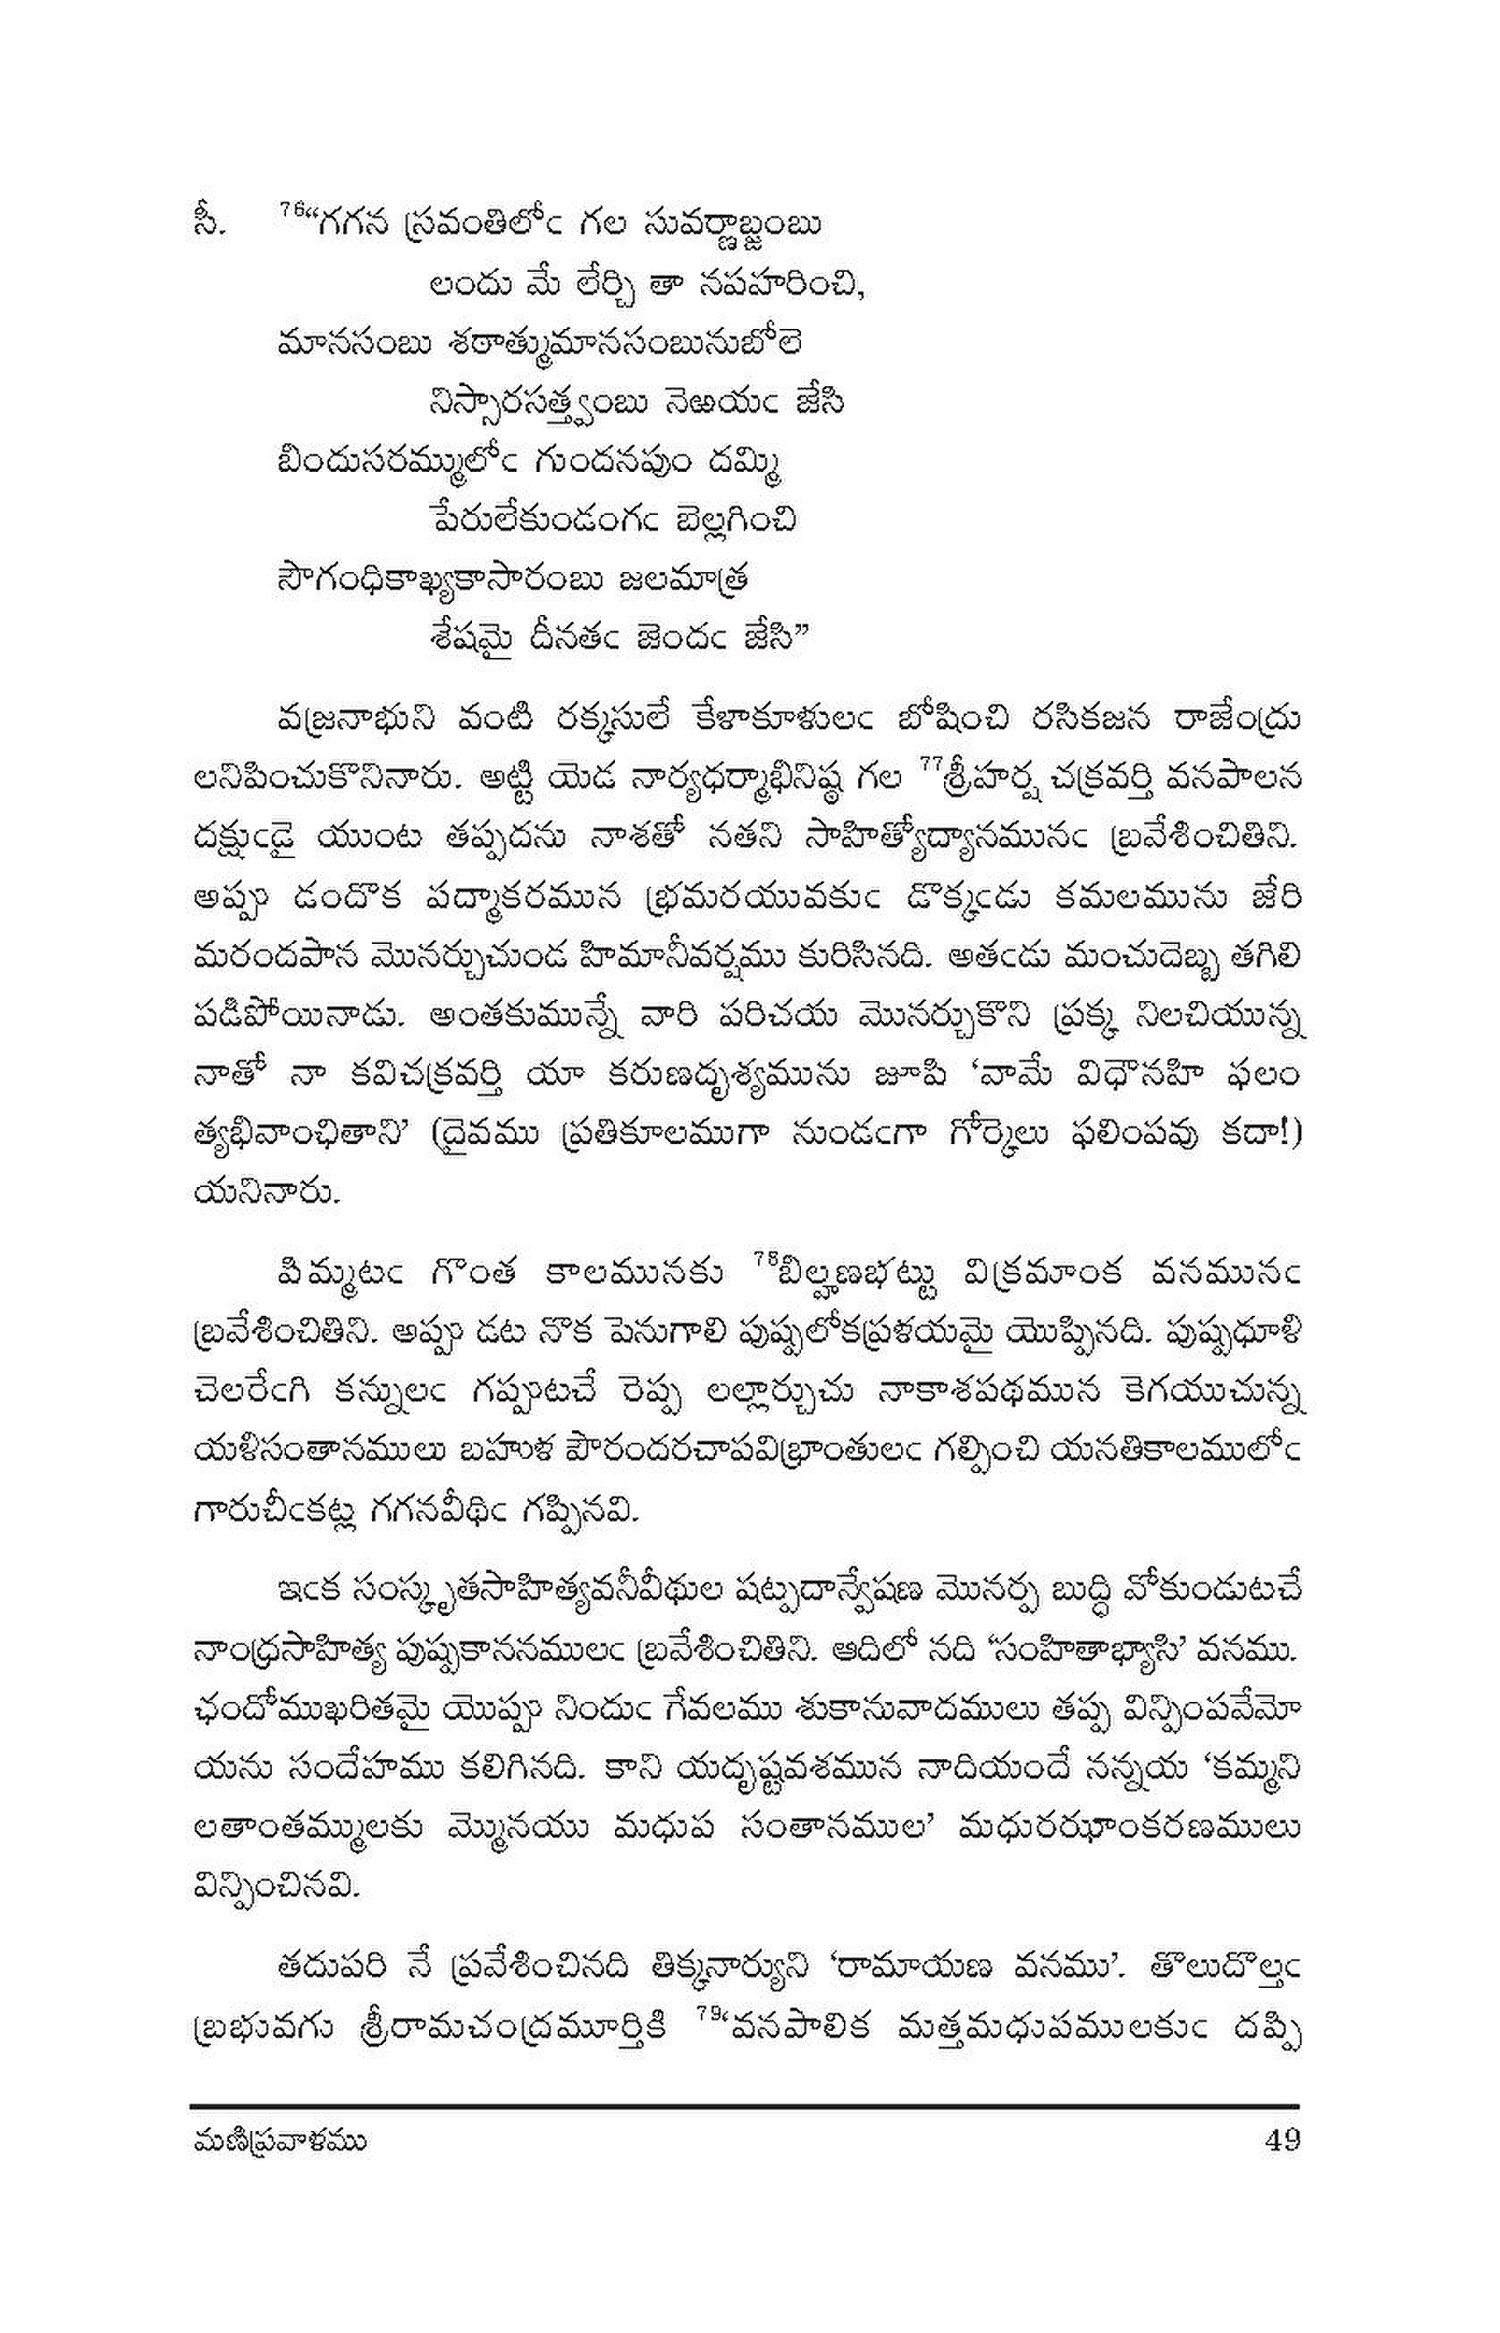సీ. "గగన స్రవంతిలోఁ గల సువర్ణాబ్జంబు
 లందు మే లేర్చి తా నపహరించి,
 మానసంబు శఠాత్ముమానసంబునుబోలె
 నిస్సారసత్త్వంబు నెఱయఁ జేసి
 బిందుసరమ్ములోఁ గుందనపుం దమ్మి
 పేరులేకుండంగఁ బెల్లగించి
 సౌగంధికాఖ్యకాసారంబు జలమాత్ర
 శేషమై దీనతఁ జెందఁ జేసి”

వజ్రనాభుని వంటి రక్కసులే కేళాకూళులఁ బోషించి రసికజన రాజేంద్రు
లనిపించుకొనినారు. అట్టి యెడ నార్యధర్మాభినిష్ఠ గల 

శ్రీహర్ష చక్రవర్తి వనపాలన
దక్షుఁడై యుంట తప్పదను నాశతో నతని సాహిత్యోద్యానమునఁ బ్రవేశించితిని.
అప్పు డందొక పద్మాకరమున భ్రమరయువకుఁ డొక్కఁడు కమలమును జేరి
మరందపాన మొనర్చుచుండ హిమానీవర్షము కురిసినది. అతఁడు మంచుదెబ్బ తగిలి
పడిపోయినాడు. అంతకుమున్నే వారి పరిచయ మొనర్చుకొని ప్రక్క నిలచియున్న
నాతో నా కవిచక్రవర్తి యా కరుణదృశ్యమును జూపి 'వామే విధానహి ఫలం
త్యభివాంఛితాని' (దైవము ప్రతికూలముగా నుండఁగా గోర్కెలు ఫలింపవు కదా!)
యనినారు 

పిమ్మటఁ గొంత కాలమునకు బిల్హణభట్టు విక్రమాంక వనమునఁ
బ్రవేశించితిని. అప్పు డట నొక పెనుగాలి పుష్పలోకప్రళయమై యొప్పినది. పుష్పధూళి
చెలరేఁగి కన్నులఁ గప్పుటచే రెప్ప లల్లార్చుచు నాకాశపథమున కెగయుచున్న
యళిసంతానములు బహుళ పౌరందరచాపవిభ్రాంతులఁ గల్పించి యనతికాలములోఁ
గారుచీఁకట్ల గగనవీథిఁ గప్పినవి.

ఇఁక సంస్కృతసాహిత్యవనీవీథుల షట్పదాన్వేషణ మొనర్ప బుద్ధి వోకుండుటచే
నాంధ్రసాహిత్య పుష్పకాననములఁ బ్రవేశించితిని. ఆదిలో నది 'సంహితాభ్యాసి' వనము.
ఛందోముఖరితమై యొప్పు నిందుఁ గేవలము శుకానువాదములు తప్ప విన్పింపనేమో
యను సందేహము కలిగినది. కాని యదృష్టవశమున నాదియందే నన్నయ 'కమ్మని
లతాంతమ్ములకు మ్మొనయు మధుప సంతానముల' మధురఝాంకరణములు
విన్పించినవి.

తదుపరి నే ప్రవేశించినది తిక్కనార్యుని 'రామాయణ వనము'. తొలుదొల్తఁ
బ్రభువగు శ్రీరామచంద్రమూర్తికి వనపాలిక మత్తమధుపములకుఁ దప్పి